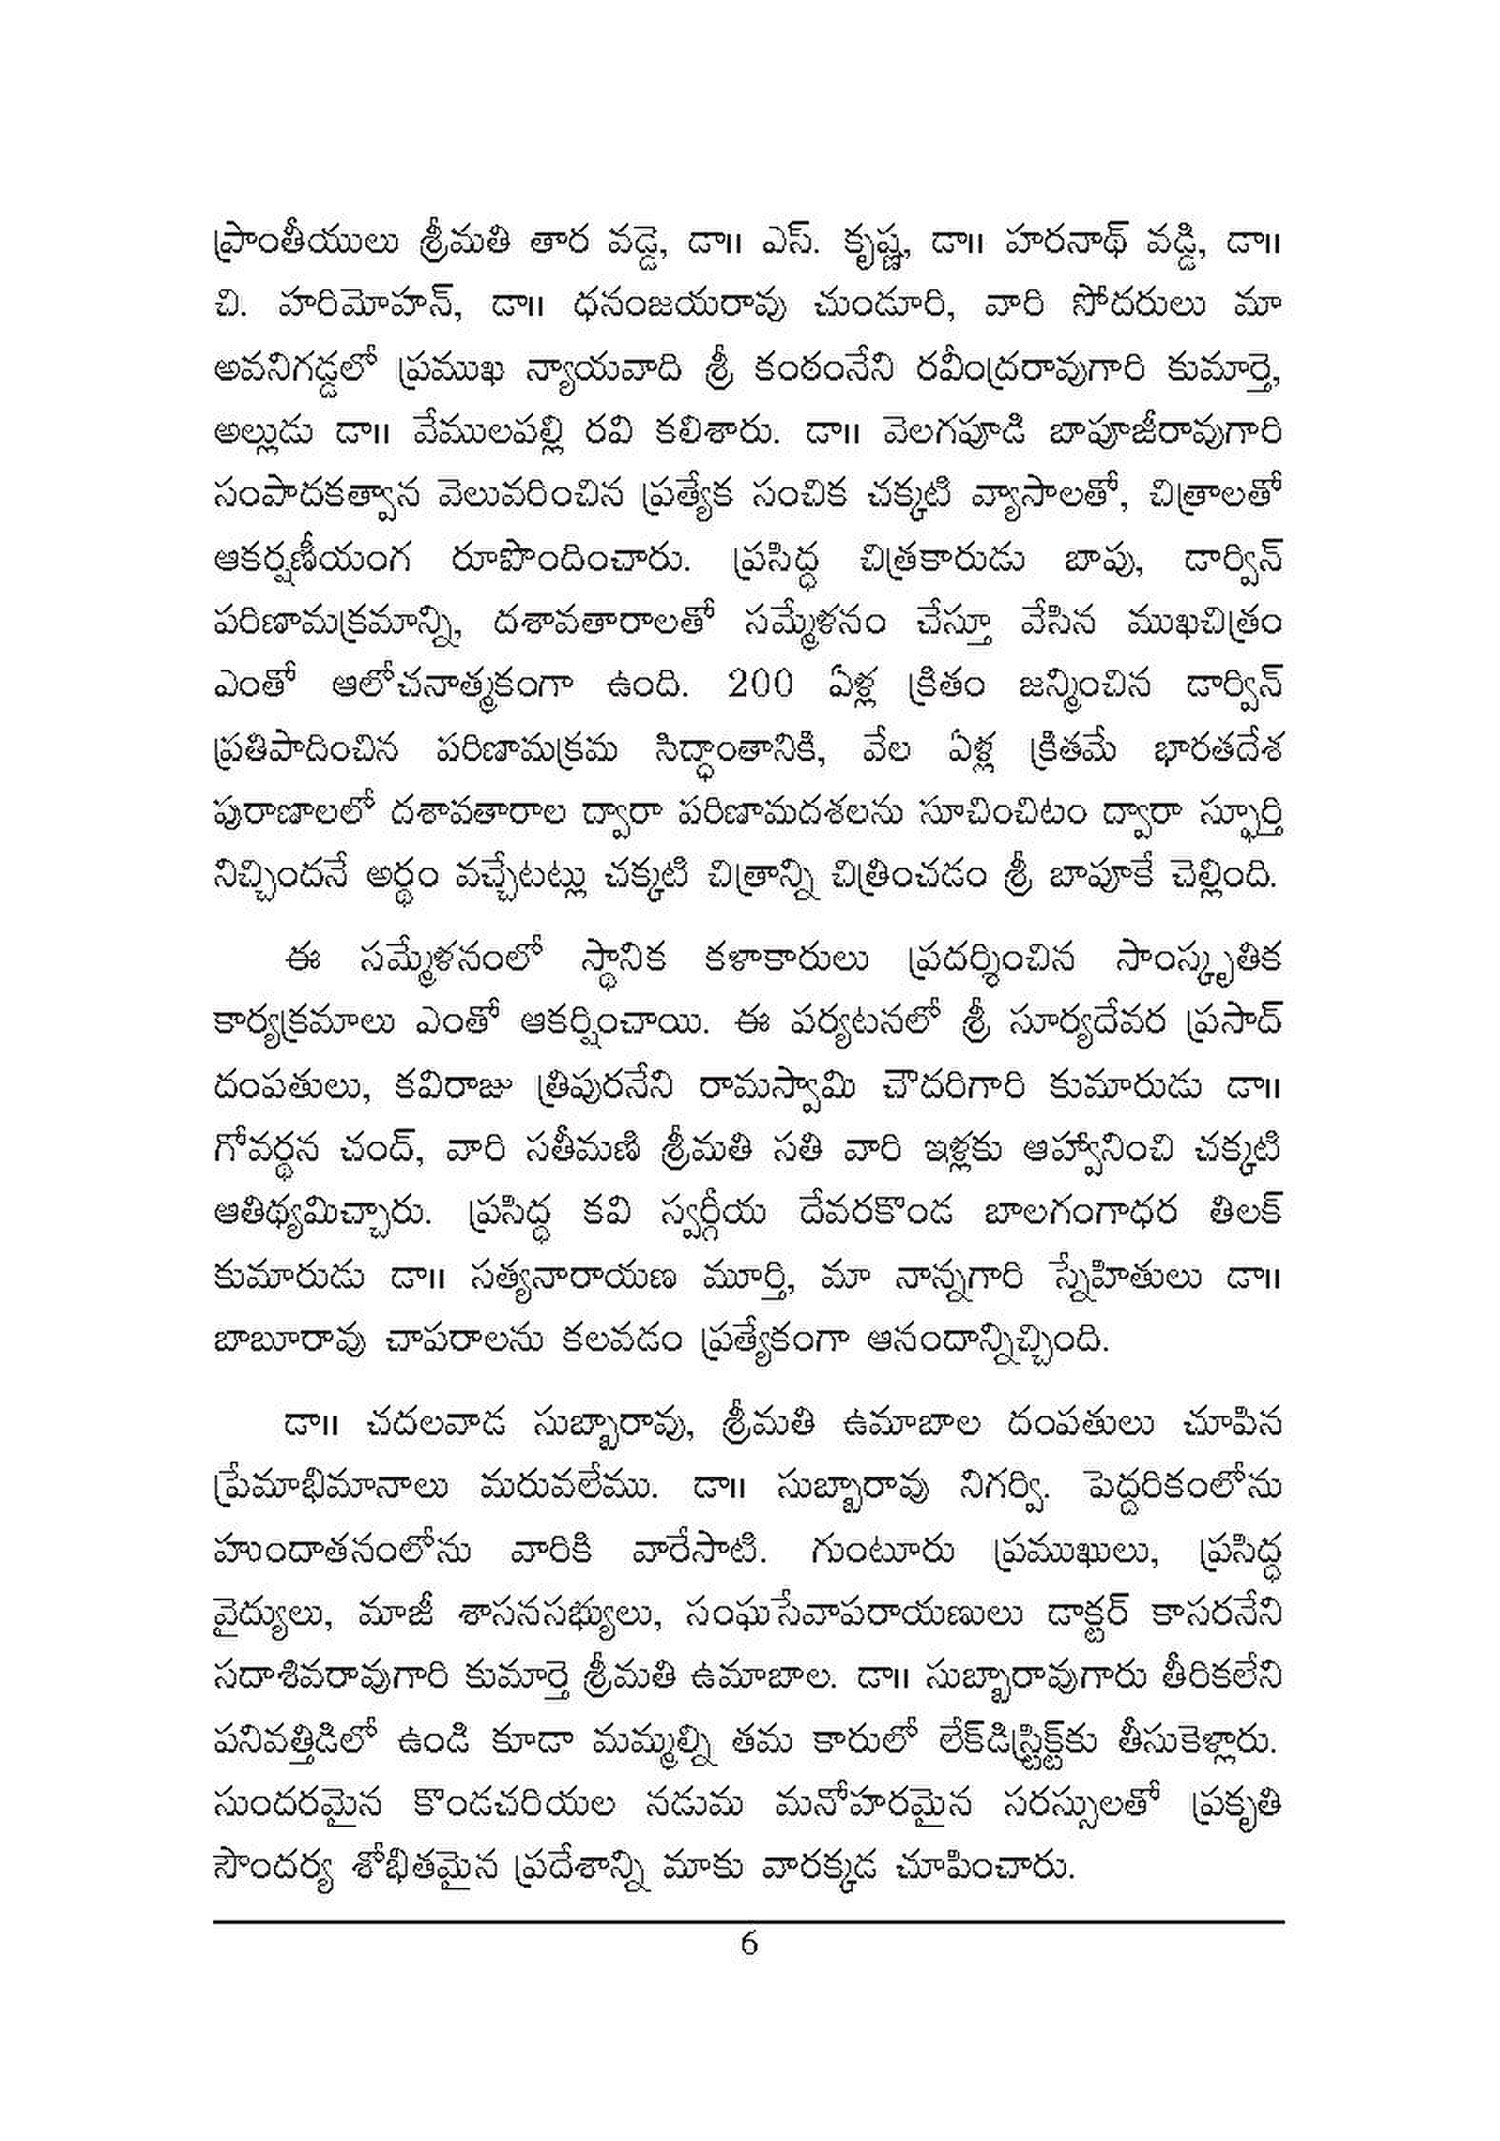ప్రాంతీయులు శ్రీమతి తార వడ్డె, డా॥ఎస్. కృష్ణ, డా॥ హరనాథ్ రెడ్డి, డా॥ చి. హరిమోహన్, డా॥ధనంజయరావు చుండూరి, వారి సోదరులు మా అవనిగడ్డలో ప్రముఖ న్యాయవాది శ్రీ కంఠంనేని రవీంద్రరావుగారి కుమార్తె, అల్లుడు డా॥ వేములపల్లి రవి కలిశారు. డా॥ వెలగపూడి బాపూజీరావుగారి సంపాదకత్వాన వెలువరించిన ప్రత్యేక సంచిక చక్కటి వ్యాసాలతో, చిత్రాలతో ఆకర్షణీయంగ రూపొందించారు. ప్రసిద్ధ చిత్రకారుడు బాపు, డార్విన్ పరిణామక్రమాన్ని దశావతారాలతో సమ్మేళనం చేస్తూ వేసిన ముఖచిత్రం ఎంతో ఆలోచనాత్మకంగా ఉంది. 200 ఏళ్ల క్రితం జన్మించిన డార్విన్ ప్రతిపాదించిన పరిణామక్రమ సిద్ధాంతానికి, వేల ఏళ్ల క్రితమే భారతదేశ పురాణాలలో దశావతారాల ద్వారా పరిణామదశలను సూచించిటం ద్వారా స్ఫూర్తి నిచ్చిందనే అర్ధం వచ్చేటట్లు చక్కటి చిత్రాన్ని చిత్రించడం శ్రీ బాపూకే చెల్లింది. 

సమ్మేళనంలో స్థానిక కళాకారులు ప్రదర్శించిన సాంస్కృతిక కార్యక్రమాలు ఎంతో ఆకర్షించాయి. ఈ పర్యటనలో శ్రీ సూర్యదేవర ప్రసాద్ దంపతులు, కవిరాజు త్రిపురనేని రామస్వామి చౌదరిగారి కుమారుడు డా॥ గోవర్ధన చంద్, వారి సతీమణి శ్రీమతి సతి వారి ఇళ్లకు ఆహ్వానించి చక్కటి ఆతిథ్యమిచ్చారు. ప్రసిద్ధ కవి స్వర్గీయ దేవరకొండ బాలగంగాధర తిలక్ కుమారుడు డా॥ సత్యనారాయణ మూర్తి, మా నాన్నగారి స్నేహితులు డా॥ బాబూరావు చాపరాలను కలవడం ప్రత్యేకంగా ఆనందాన్నిచ్చింది. 

డా॥ చదలవాడ సుబ్బారావు, శ్రీమతి ఉమాబాల దంపతులు చూపిన ప్రేమాభిమానాలు మరువలేము. డా॥ సుబ్బారావు నిగర్వి పెద్దరికంలోను హుందాతనంలోను వారికి వారేసాటి. గుంటూరు ప్రముఖులు, ప్రసిద్ధ వైద్యులు, మాజీ శాసనసభ్యులు, సంఘసేవాపరాయణులు డాక్టర్ కాసరనేని సదాశివరావుగారి కుమార్తె శ్రీమతి ఉమాబాల. డా॥ సుబ్బారావుగారు తీరికలేని పనివత్తిడిలో ఉండి కూడా మమ్మల్ని తమ కారులో లేక్‍డిస్ట్రిక్ట్‍కు తీసుకెళ్లారు. సుందరమైన కొండచరియల నడుమ మనోహరమైన సరస్సులతో ప్రకృతి సౌందర్య శోభితమైన ప్రదేశాన్ని మాకు వారక్కడ చూపించారు.